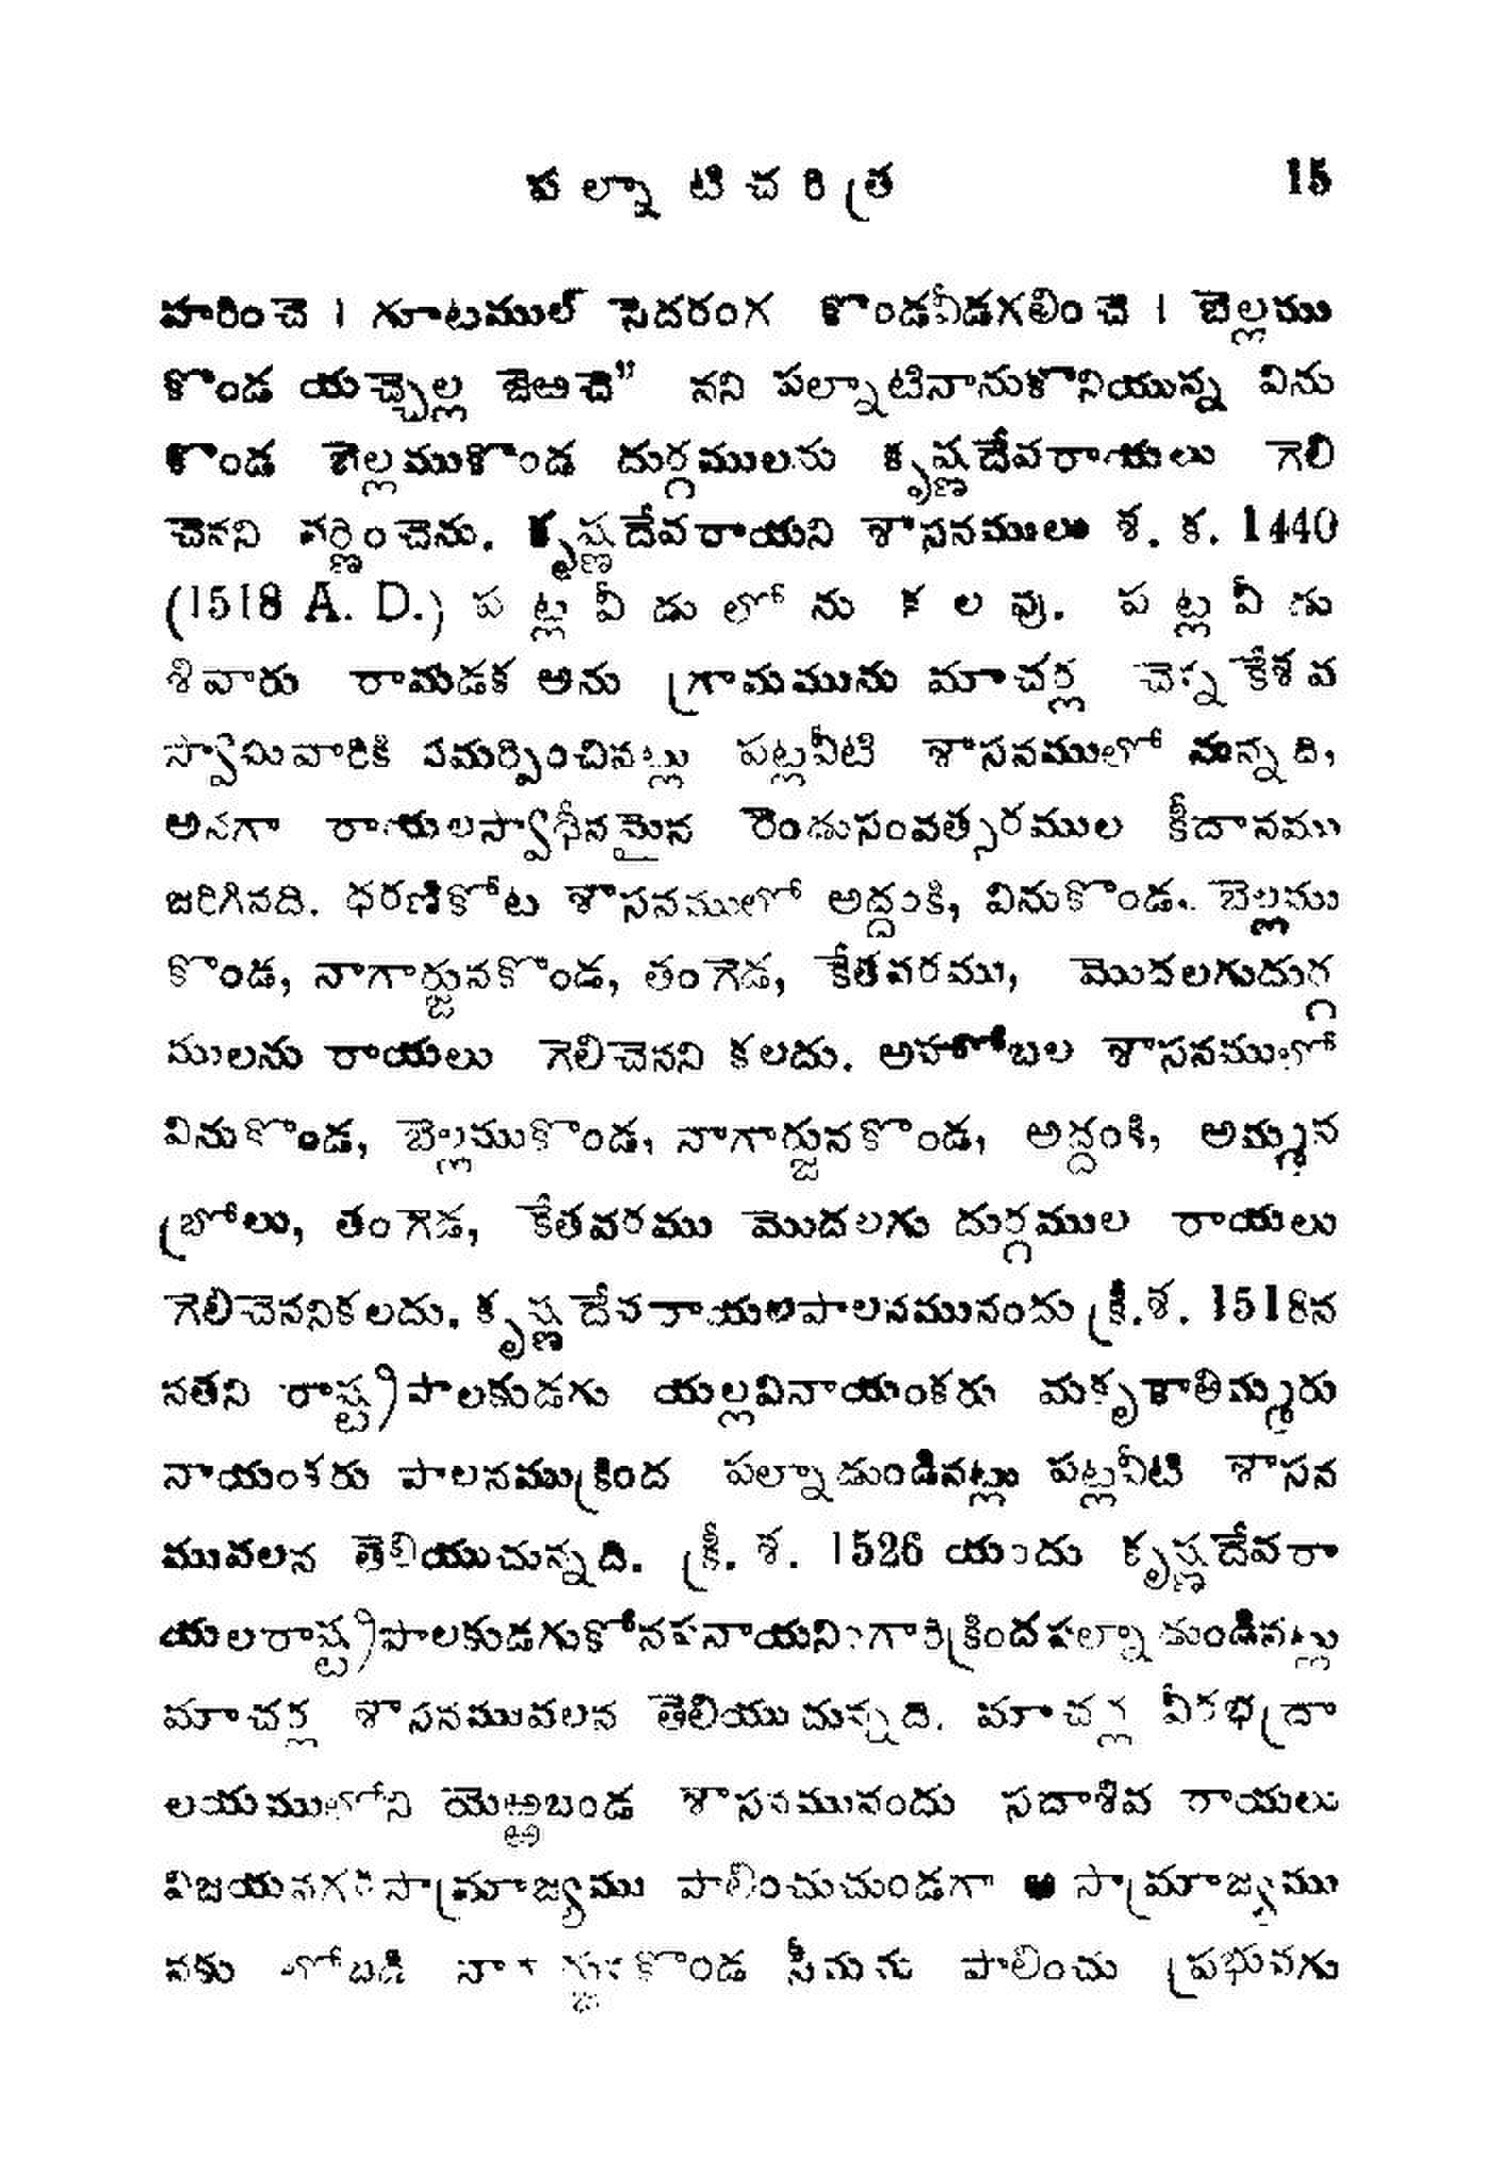హరించె | గూటముల్ సెదరంగ కొండవీడగలించె | బెల్లము
కొండ యచ్చెల్ల జెఱచె" నని పల్నాటినానుకొనియున్న వినుకొండ 
బెల్లముకొండ దుర్గములను కృష్ణదేవరాయలు గెలిచెనని 
వర్ణించెను. కృష్ణ దేవరాయని శాసనములు శ. క. 1440
(1518 A. D.) పట్లవీడులోను కలవు. పట్లవీడు
శివారు రామడక అను గ్రామమును మాచర్ల చెన్న కేశవస్వామివారికి 
సమర్పించినట్లు పట్లవీటి శాసనములో మన్నది,
అనగా రాయలస్వాధీనమైన రెండు సంవత్సరముల కీదానము
జరిగినది. ధరణికోట శాసనములో అద్దంకి , వినుకొండ. బెల్లము
కొండ, నాగార్జునకొండ, తంగెడ, కేతవరము, మొదలగు
దుర్గములను రాయలు గెలిచెనని కలదు. అహోబల శాసనములో
వినుకొండ, బెల్లముకొండ, నాగార్జునకొండ, అద్దంకి, అమ్మన
బ్రోలు, తంగెడ, కేతవరము మొదలగు దుర్గముల రాయలు
గెలిచెననికలదు. కృష్ణ దేవరాయల పాలనమునందు క్రీ.శ. 1518న
నతని రాష్ట్రపాలకుడగు యల్లవినాయంకరు మకృకాతిమ్మరు
నాయంకరు పాలనముక్రింద పల్నాడుండినట్లు పట్లవీటి శాసనము 
వలన తెలియుచున్నది. క్రీ.శ. 1526 యందు కృష్ణదేవరా
యలరాష్ట్రపాలకుడగుకోనపనాయనింగారిక్రిందపల్నాడుండినట్లు
మాచర్ల శాసనమువలన తెలియుచున్నది. మాచర్ల వీరభద్రా
లయములోని యెఱ్ఱబండ శాసనమునందు సదాశివ రాయలు
విజయనగర సామ్రాజ్యము పాలించుచుండగా ఆ సామ్రాజ్యము
నకు లోబడి నాగార్జున గుకొండ సీమను పాలించు ప్రభువగు